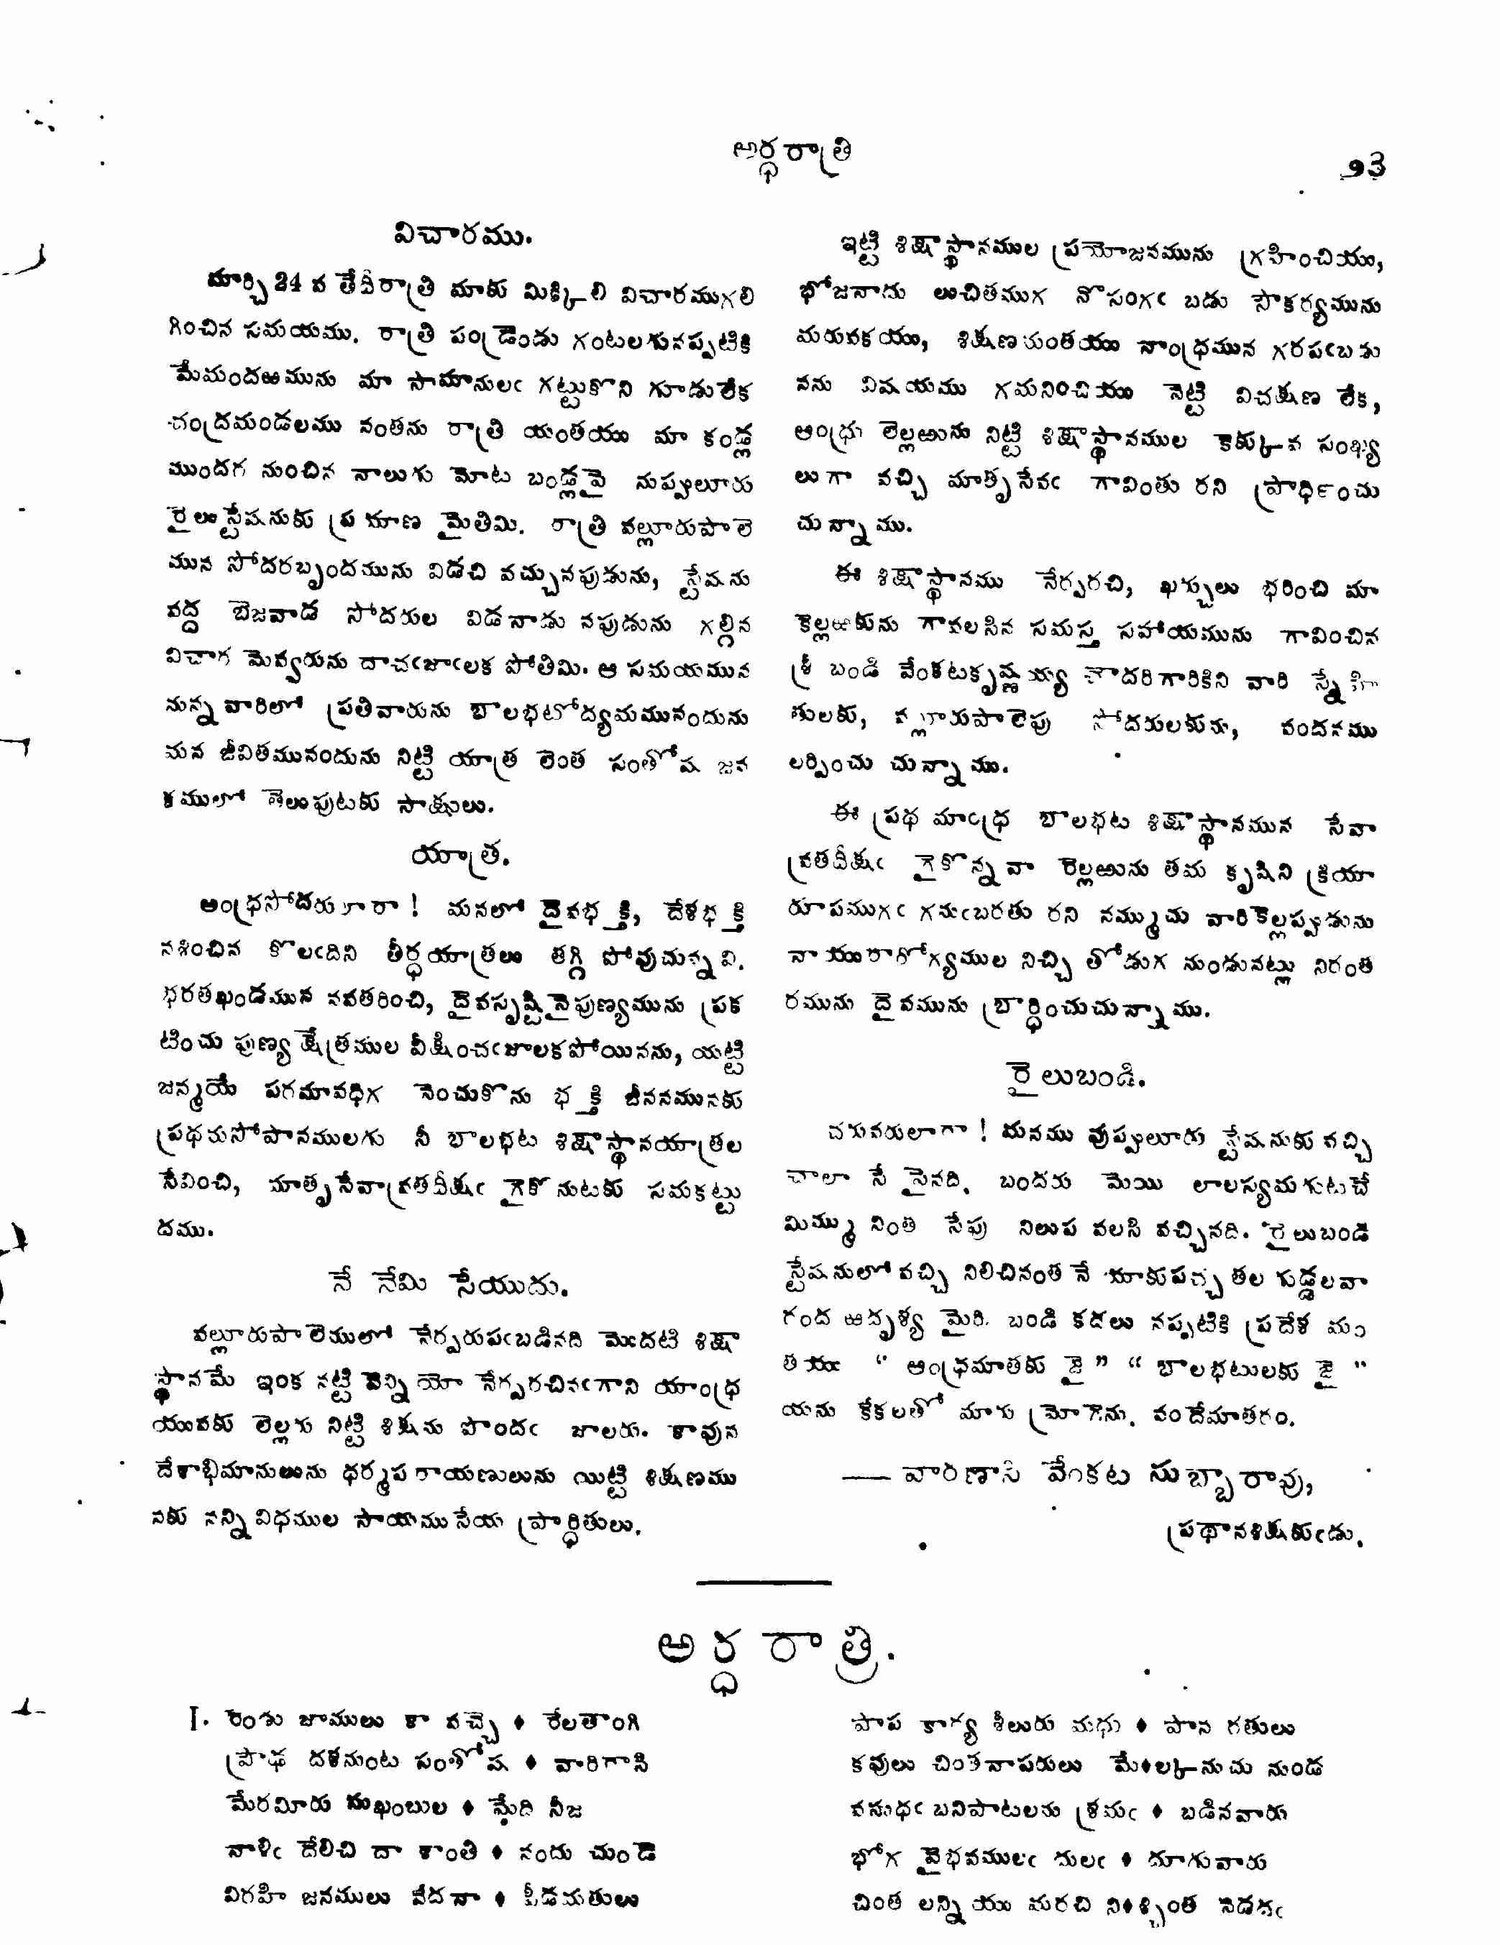మార్చి 24 వ తేదీ రాత్రి మాకు మిక్కిలి విచారముగలిగించిన సమయము, రాత్రి పండ్రెండు గంటలగునప్పటికి మేమందఱమును మా సామానులఁ గట్టుకొని గూడులేక చంద్రమండలము నంతను రాత్రి యంతయు మా కండ్లముందగ నుంచిన నాలుగు మోట బండ్లపై నుప్పులూరు రైలా స్టేషనుకు ప్రమాణ మైతిమి. రాత్రి వల్లూరుపాలెమున సోదరబృందమును విడచి వచ్చునపుడును, స్టేషను వద్ద బెజవాడ సోదరులు విడనాడు నపుడును గల్గినవిచాగ మెవ్వరును దాచఁజాఁలక పోతిమి. ఆ సమయముననున్న వారిలో ప్రతివారును బాలభటోద్యమమునందును మన జీవితమునందును నిట్టి యాత్రలెంత సంతోష జనకములో తెలుపుటకు సాక్షులు.

అంధ్రసోదరులారా ! మనలో దైవభక్తి, దేశభక్తి నశించిన కొలఁదిని తీర్ధయాత్రలు తగ్గి పోవుచున్నవి. భరతఖండమున నవతరించి, దైవసృష్టి నైపుణ్యమును ప్రకటించు పుణ్యక్షేత్రముల వీక్షించఁజాలకపోయినను, యట్టి జన్మయే పరమావధిగా నెంచుకొను భక్తి జీవనమునకు
ప్రధమ సోపానములగు నీ బాలభట శిక్షాస్థానయాత్రల సేవించి, మాతృనేవాగ్రతదీక్షుఁ గైకొనుటకు సమకట్టుదము.

వల్లూరుపాలెములో నేర్పరుపఁబడినది మొదటి శిక్షాస్థానమే ఇంక నట్టి వెన్నియో నేర్పరచినఁగాని యాంధ్రయువకు లెల్లరు నిట్టి శిక్షను పొందఁ జాలరు. కావున దేశాభిమానులును ధర్మపరాయణులును యిట్టి శిక్షణమునాకు నన్నివిధముల సాయముసేయ ప్రార్ధితులు.

ఇట్టి శిక్షాస్థానముల ప్రయోజనమును గ్రహించియు, భోజనాదు లుచితముగ నొసంగఁ బడు సౌకర్యమును మరువకయు, శిక్షణమంతయు నాంధ్రమున గరపఁబడు నను విషయము గమనించియు నెట్టి విచక్షణ లేక, ఆంధ్రు లెల్లఱును నిట్టి శిక్షాస్థానముల కెక్కువ సంఖ్య
లుగా వచ్చి మాతృసేవఁ గావింతు రని ప్రాధించుచున్నాము.

ఈ శిక్షాస్థానము నేర్పరచి, ఖర్చులు భరించి మాకెల్లలురును గావలసిన సమస్త సహాయమును గావించిన శ్రీ బండి వేంకటకృష్ణయ్య చౌదరి గారికిని వారి స్నేహిశులకు, వల్లూరుపాలెపు సోదరులకును, వందనము లర్పించు చున్నాము.

ఈ ప్రథ మాంధ్ర బాలభట శిక్షాస్థానమున సేవావ్రతదీక్షఁ గైకొన్నవా రెల్లఱును తమ కృషిని క్రియారూపముగఁ గనుఁబరతు రని నమ్ముచు వారికెల్లప్పుడును నా యురారోగ్యముల నిచ్చి తోడుగ నుండునట్లు నిరంతరమును దైవమును బ్రార్ధించుచున్నాము.

చదువరులాగా ! మనము వుప్పులూరు స్టేషనుకు వచ్చి చాలా సే పైనది. బందరు మెయి లాలస్యమగుటచే మిమ్ము నింత సేపు నిలుప వలసి వచ్చినది. రైలుబండి స్టేషనులో వచ్చి నిలిచినంతనే మాకు యాకుపచ్చతలగడ్డలవార౦దఱ అదృశ్యమైరి. బండి కదలు నప్పటికి ప్రదేశ మంతయు "ఆంధ్రమాతకు జై" "బాలభటులకు జై" యను కేకలతో మారు మ్రోగెను. వందేమాతరం.